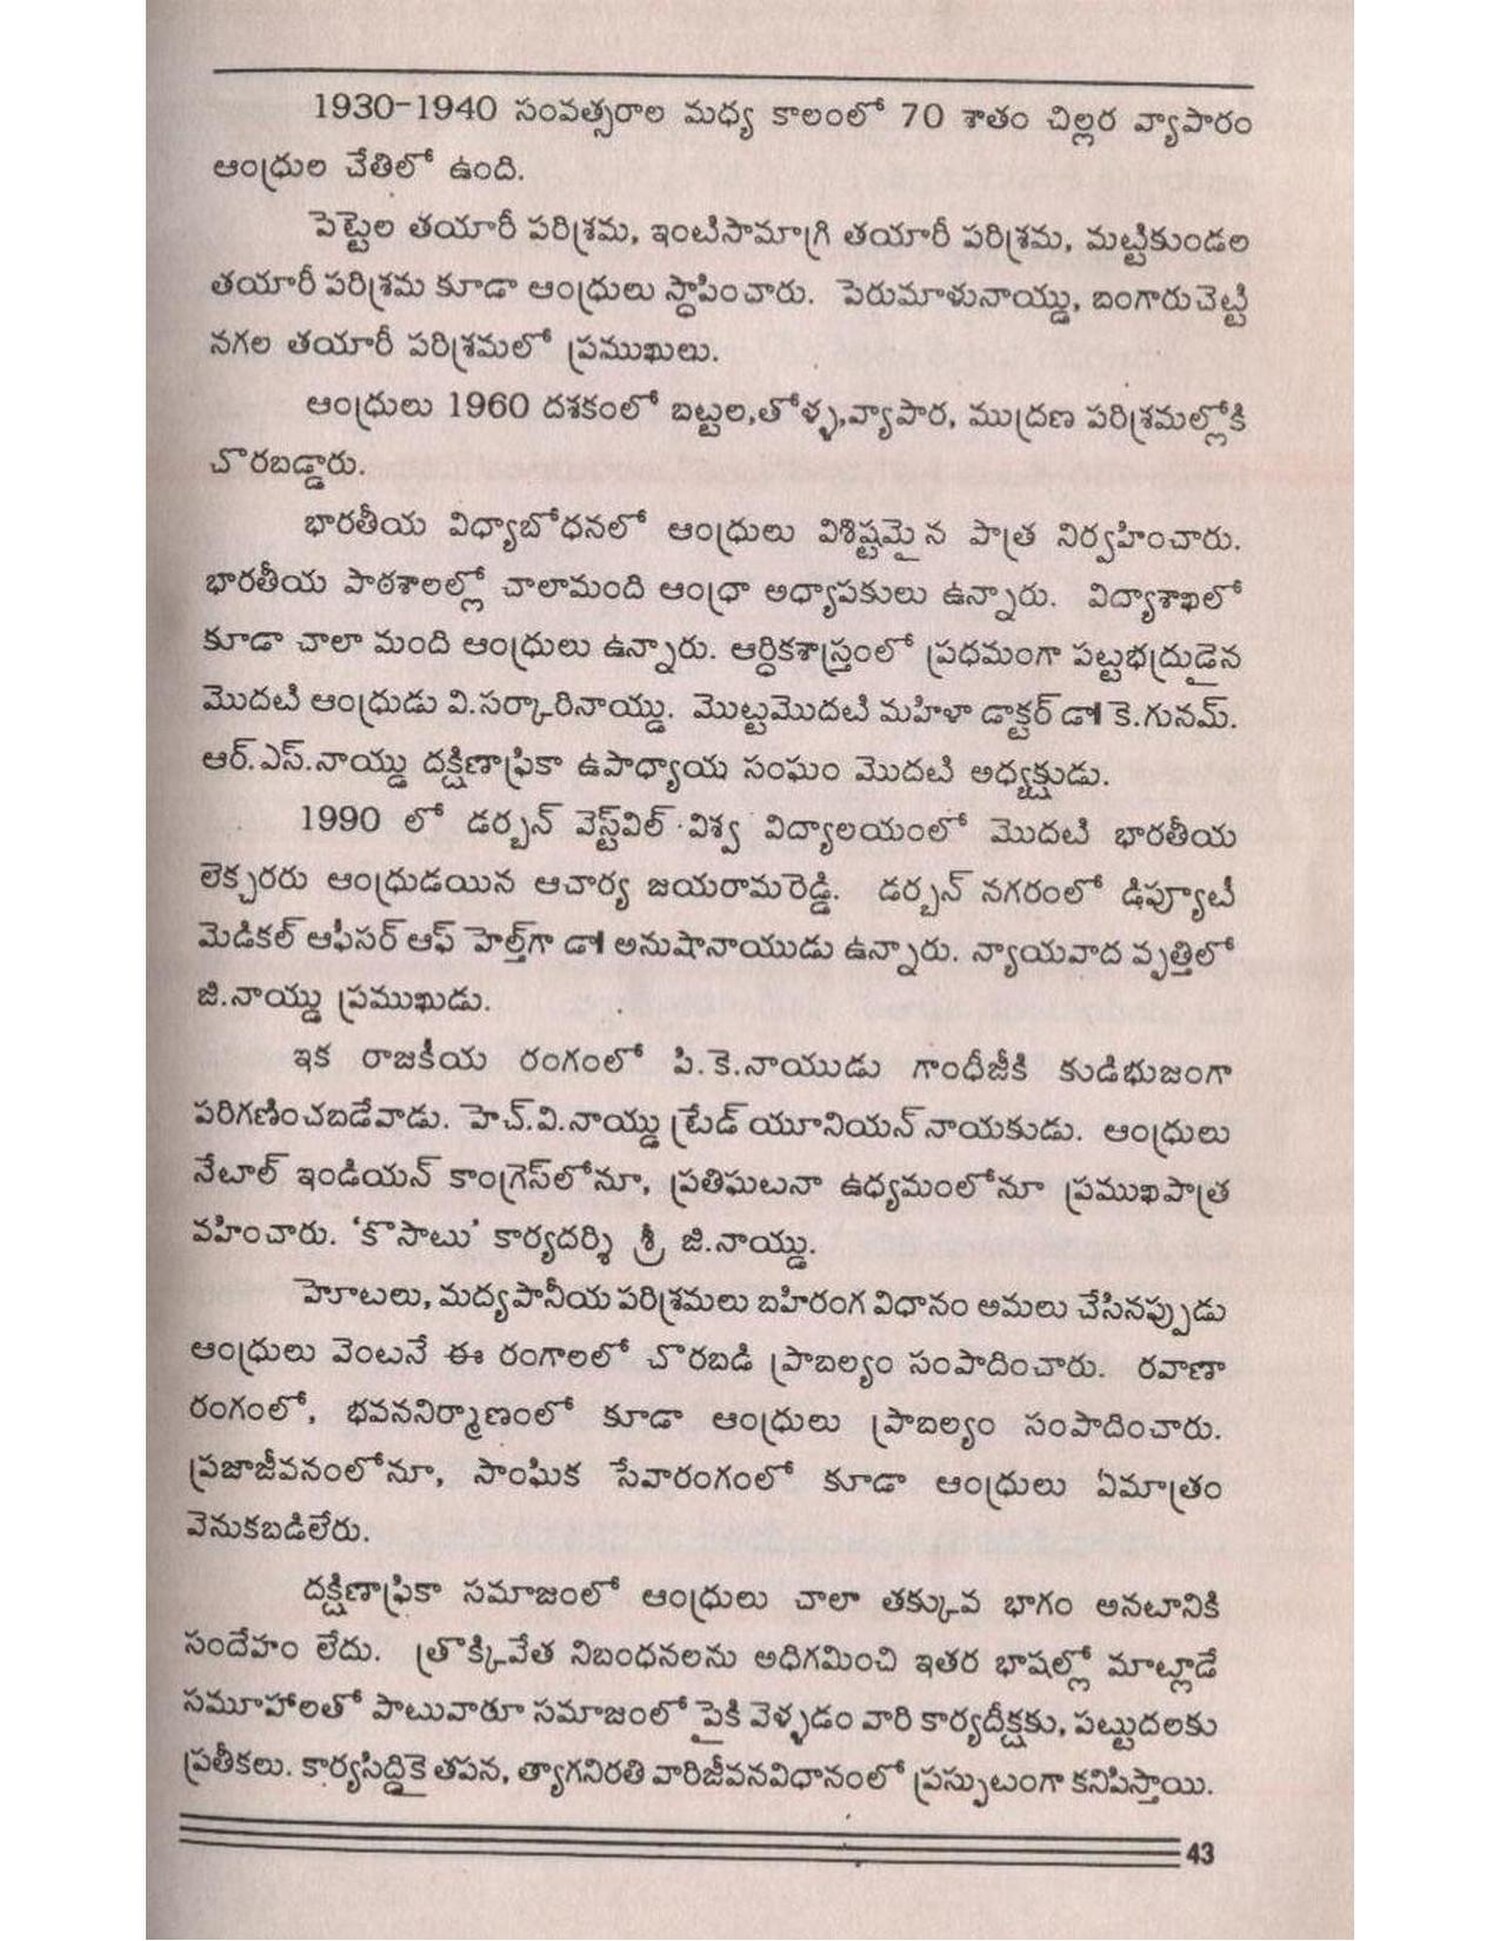1930-1940 సంవత్సరాల మధ్య కాలంలో 70 శాతం చిల్లర వ్యాపారం ఆంధ్రుల చేతిలో ఉంది.

పెట్టెల తయారీ పరిశ్రమ, ఇంటిసామాగ్రి తయారీ పరిశ్రమ, మట్టికుండల తయారీ పరిశ్రమ కూడా ఆంధ్రులు స్థాపించారు. పెరుమాళునాయ్డు, బంగారుచెట్టి నగల తయారీ పరిశ్రమలో ప్రముఖులు.

ఆంధ్రులు 1960 దశకంలో బట్టల, తోళ్ళ, వ్యాపార, ముద్రణ పరిశ్రమల్లోకి చొరబడ్డారు.

భారతీయ విధ్యాబోధనలో ఆంధ్రులు విశిష్టమైన పాత్ర నిర్వహించారు. భారతీయ పాఠశాలల్లో చాలామంది ఆంధ్రా అధ్యాపకులు ఉన్నారు. విద్యాశాఖలో కూడా చాలా మంది ఆంధ్రులు ఉన్నారు. ఆర్ధికశాస్త్రంలో ప్రధమంగా పట్టభద్రుడైన మొదటి ఆంద్రుడు వి.సర్కారినాయ్డు, మొట్టమొదటి మహిళా డాక్టర్ డా॥ కె.గునమ్. ఆర్.ఎస్.నాయ్డు దక్షిణాఫ్రికా ఉపాధ్యాయ సంఘం మొదటి అధ్యక్షుడు.

1990 లో డర్బన్ వెస్ట్‌విల్ విశ్వ విద్యాలయంలో మొదటి భారతీయ లెక్చరరు ఆంధ్రుడయిన ఆచార్య జయరామరెడ్డి, డర్బన్ నగరంలో డిప్యూటీ మెడికల్ ఆఫీసర్ ఆఫ్ హెల్త్‌గా డా॥ అనుషానాయుడు ఉన్నారు. న్యాయవాద వృత్తిలో జి.నాయ్డు ప్రముఖుడు.

ఇక రాజకీయ రంగంలో పి.కె.నాయుడు గాంధీజీకి కుడిభుజంగా పరిగణించబడేవాడు. హెచ్.వి.నాయ్డు ట్రేడ్ యూనియన్ నాయకుడు. ఆంధ్రులు నేటాల్ ఇండియన్ కాంగ్రెస్‌లోనూ, ప్రతిఘటనా ఉధ్యమంలోనూ ప్రముఖపాత్ర వహించారు. 'కొసాటు' కార్యదర్శి శ్రీ జి.నాయ్డు.

హోటలు, మద్యపానీయ పరిశ్రమలు బహిరంగ విధానం అమలు చేసినప్పుడు ఆంధ్రులు వెంటనే ఈ రంగాలలో చొరబడి ప్రాబల్యం సంపాదించారు. రవాణా రంగంలో, భవననిర్మాణంలో కూడా ఆంధ్రులు ప్రాబల్యం సంపాదించారు. ప్రజాజీవనంలోనూ, సాంఘిక సేవారంగంలో కూడా ఆంధ్రులు ఏమాత్రం వెనుకబడిలేరు.
దక్షిణాఫ్రికా సమాజంలో ఆంధ్రులు చాలా తక్కువ భాగం అనటానికి సందేహం లేదు. త్రొక్కివేత నిబంధనలను అధిగమించి ఇతర భాషల్లో మాట్లాడే సమూహాలతో పాటువారూ సమాజంలో పైకి వెళ్ళడం వారికార్యదీక్షకు, పట్టుదలకు ప్రతీకలు. కార్యసిద్ధికై తపన, త్యాగనిరతి వారిజీవనవిధానంలో ప్రస్పుటంగా కనిపిస్తాయి.